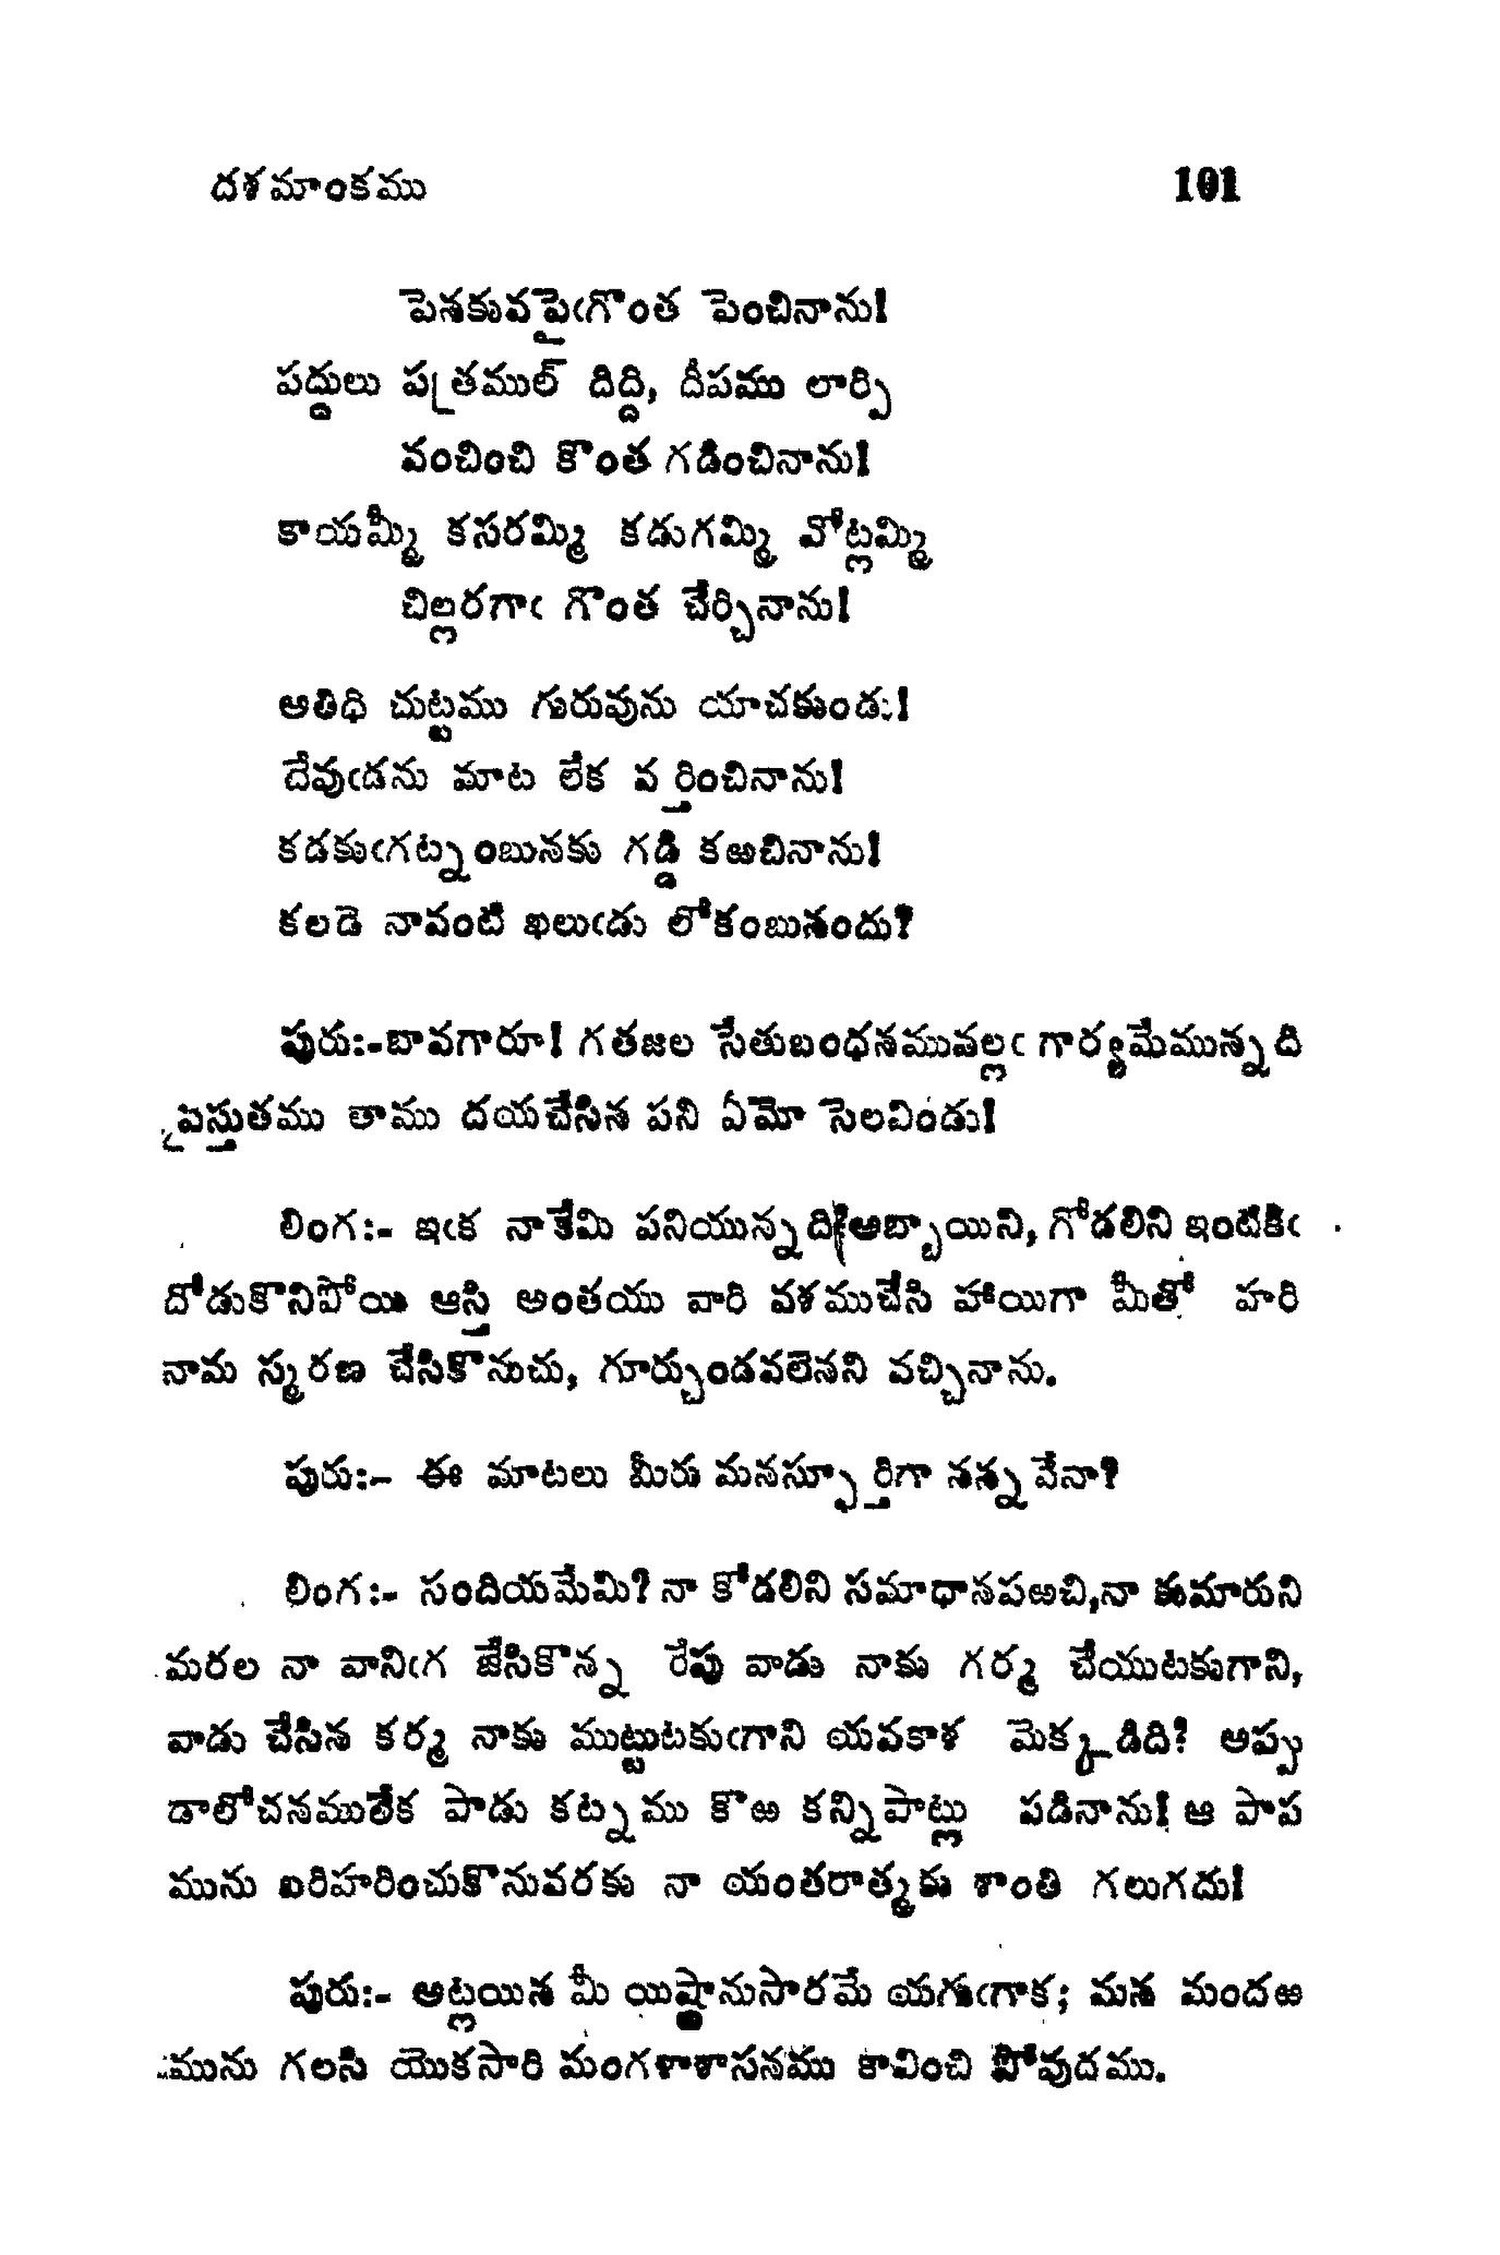పెనకువపైఁగొంత పెంచినాను!
 పద్దులు పత్రముల్‌ దిద్ది, దీపము లార్పి
 వంచించి కొంత గడించినాను!
 కాయమ్మీ కసరమ్మి కడుగమ్మి, వోట్లమ్మి
 చిల్లరగాఁ గొంత చేర్చినాను!

 అతిథి చుట్టము గురువును యాచకుండు!
 దేవుఁడను మాట లేక వర్తించినాను!
 కడకుఁగట్నంబునకు గడ్డి కఱచినాను!
 కలడె నావంటి ఖలుఁడు లోకంబునందు?
పురు :- బావగారు! గతజల సేతుబంధనమువల్లఁ గార్యమేమున్నది? ప్రస్తుతము తాము దయచేసిన పని ఏమో సెలవిండు!

లింగ :- ఇఁక నాకేమి పనియున్నది? అబ్బాయినిఁ, గోడలిని యింటికిఁ దోడుకొనిపోయి ఆస్తి అంతయు వారివశము చేసి హాయిగా మీతో హరినామ స్మరణ చేసికొనుచు, గూర్చుండవలెనని వచ్చినాను.

పురు :- ఈ మాటలు మీరు మనస్ఫూర్తిగా నన్నవేనా?

లింగ :- సందియమేమి? నా కోడలిని సమాధానపఱచి, నా కుమారుని మరల నా వానిఁగ జేసికొన్న రేపు వాడు నాకు గర్మ చేయుటకుగాని, వాడు చేసిన కర్మ నాకు ముట్టుటకుఁగాని యవకాశ మెక్కడిది? అప్పు డాలోచనములేక పాడు కట్నము కొఱ కన్నిపాట్లు పడినాను! ఆ పాపమును బరిహరించుకొనువరకున నా యంతరాత్మకు శాంతి కలుగదు!

పురు :- అట్లయిన మీ యిష్టానుసారమే యగుఁగాక! మన మందఱమును గలిసి యొకసారి మంగళాశాసనము కావించి పోవుదము.